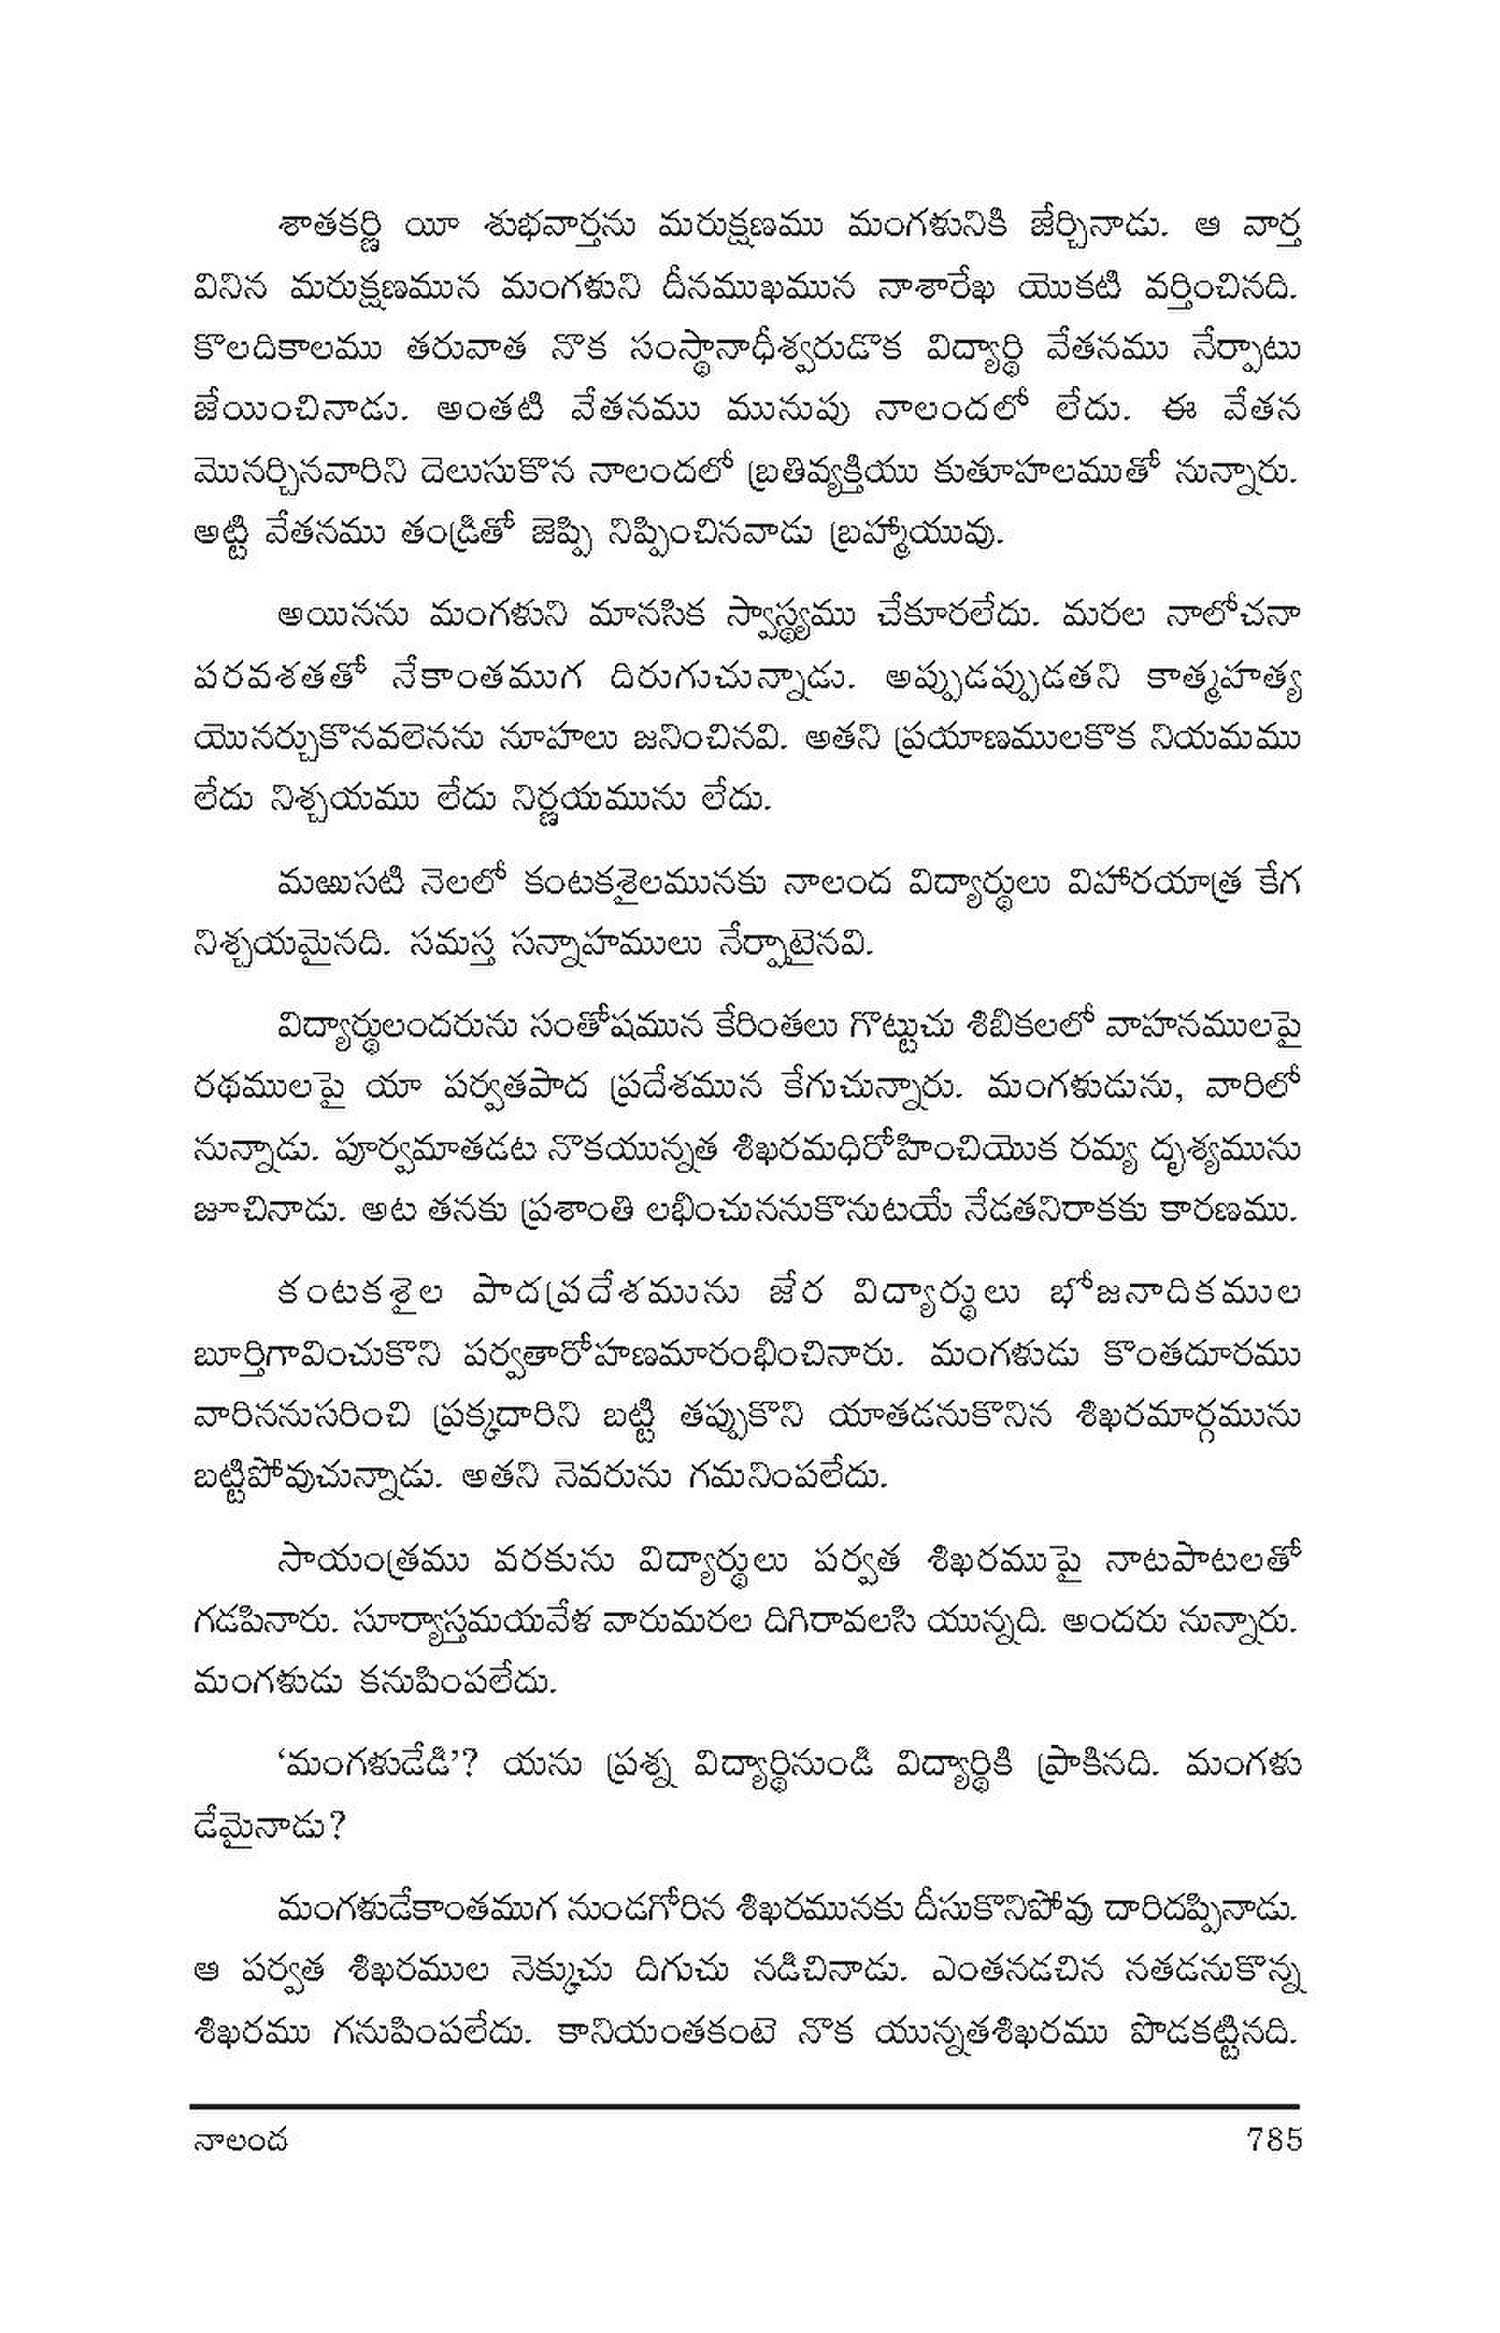శాతకర్ణి యీ శుభవార్తను మరుక్షణము మంగళునికి జేర్చినాడు. ఆ వార్త వినిన మరుక్షణమున మంగళుని దీనముఖమున నాశారేఖ యొకటి వర్తించినది. కొలదికాలము తరువాత నొక సంస్థానాధీశ్వరుడొక విద్యార్థి వేతనము నేర్పాటు జేయించినాడు. అంతటి వేతనము మునుపు నాలందలో లేదు. ఈ వేతన మొనర్చినవారిని దెలుసుకొన నాలందలో బ్రతివ్యక్తియు కుతూహలముతో నున్నారు. అట్టి వేతనము తండ్రితో జెప్పి నిప్పించినవాడు బ్రహ్మాయువు.

అయినను మంగళుని మానసిక స్వాస్థ్యము చేకూరలేదు. మరల నాలోచనా పరవశతతో నేకాంతముగ దిరుగుచున్నాడు. అప్పుడప్పుడతని కాత్మహత్య యొనర్చుకొనవలెనను నూహలు జనించినవి. అతని ప్రయాణములకొక నియమము లేదు నిశ్చయము లేదు నిర్ణయమును లేదు.

మఱుసటి నెలలో కంటకశైలమునకు నాలంద విద్యార్థులు విహారయాత్ర కేగ నిశ్చయమైనది. సమస్త సన్నాహములు నేర్పాటైనవి.

విద్యార్థులందరును సంతోషమున కేరింతలు గొట్టుచు శిబికలలో వాహనములపై రథములపై యా పర్వతపాద ప్రదేశమున కేగుచున్నారు. మంగళుడును, వారిలో నున్నాడు. పూర్వమాతడట నొకయున్నత శిఖరమధిరోహించియొక రమ్య దృశ్యమును జూచినాడు. అట తనకు ప్రశాంతి లభించుననుకొనుటయే నేడతనిరాకకు కారణము.

కంటకశైల పాదప్రదేశమును జేర విద్యార్థులు భోజనాదికముల
బూర్తిగావించుకొని పర్వతారోహణమారంభించినారు. మంగళుడు కొంతదూరము వారిననుసరించి ప్రక్కదారిని బట్టి తప్పుకొని యాతడనుకొనిన శిఖరమార్గమును బట్టిపోవుచున్నాడు. అతని నెవరును గమనింపలేదు.

సాయంత్రము వరకును విద్యార్థులు పర్వత శిఖరముపై నాటపాటలతో గడపినారు. సూర్యాస్తమయవేళ వారు మరల దిగిరావలసి యున్నది. అందరు నున్నారు. మంగళుడు కనుపింపలేదు.

'మంగళుడేడి'? యను ప్రశ్న విద్యార్థినుండి విద్యార్థికి ప్రాకినది. మంగళు డేమైనాడు?

మంగళుడేకాంతముగ నుండగోరిన శిఖరమునకు దీసుకొనిపోవు దారిదప్పినాడు. ఆ పర్వత శిఖరముల నెక్కుచు దిగుచు నడిచినాడు. ఎంతనడచిన నతడనుకొన్న శిఖరము గనుపింపలేదు. కానియంతకంటె నొక యున్నతశిఖరము పొడకట్టినది.